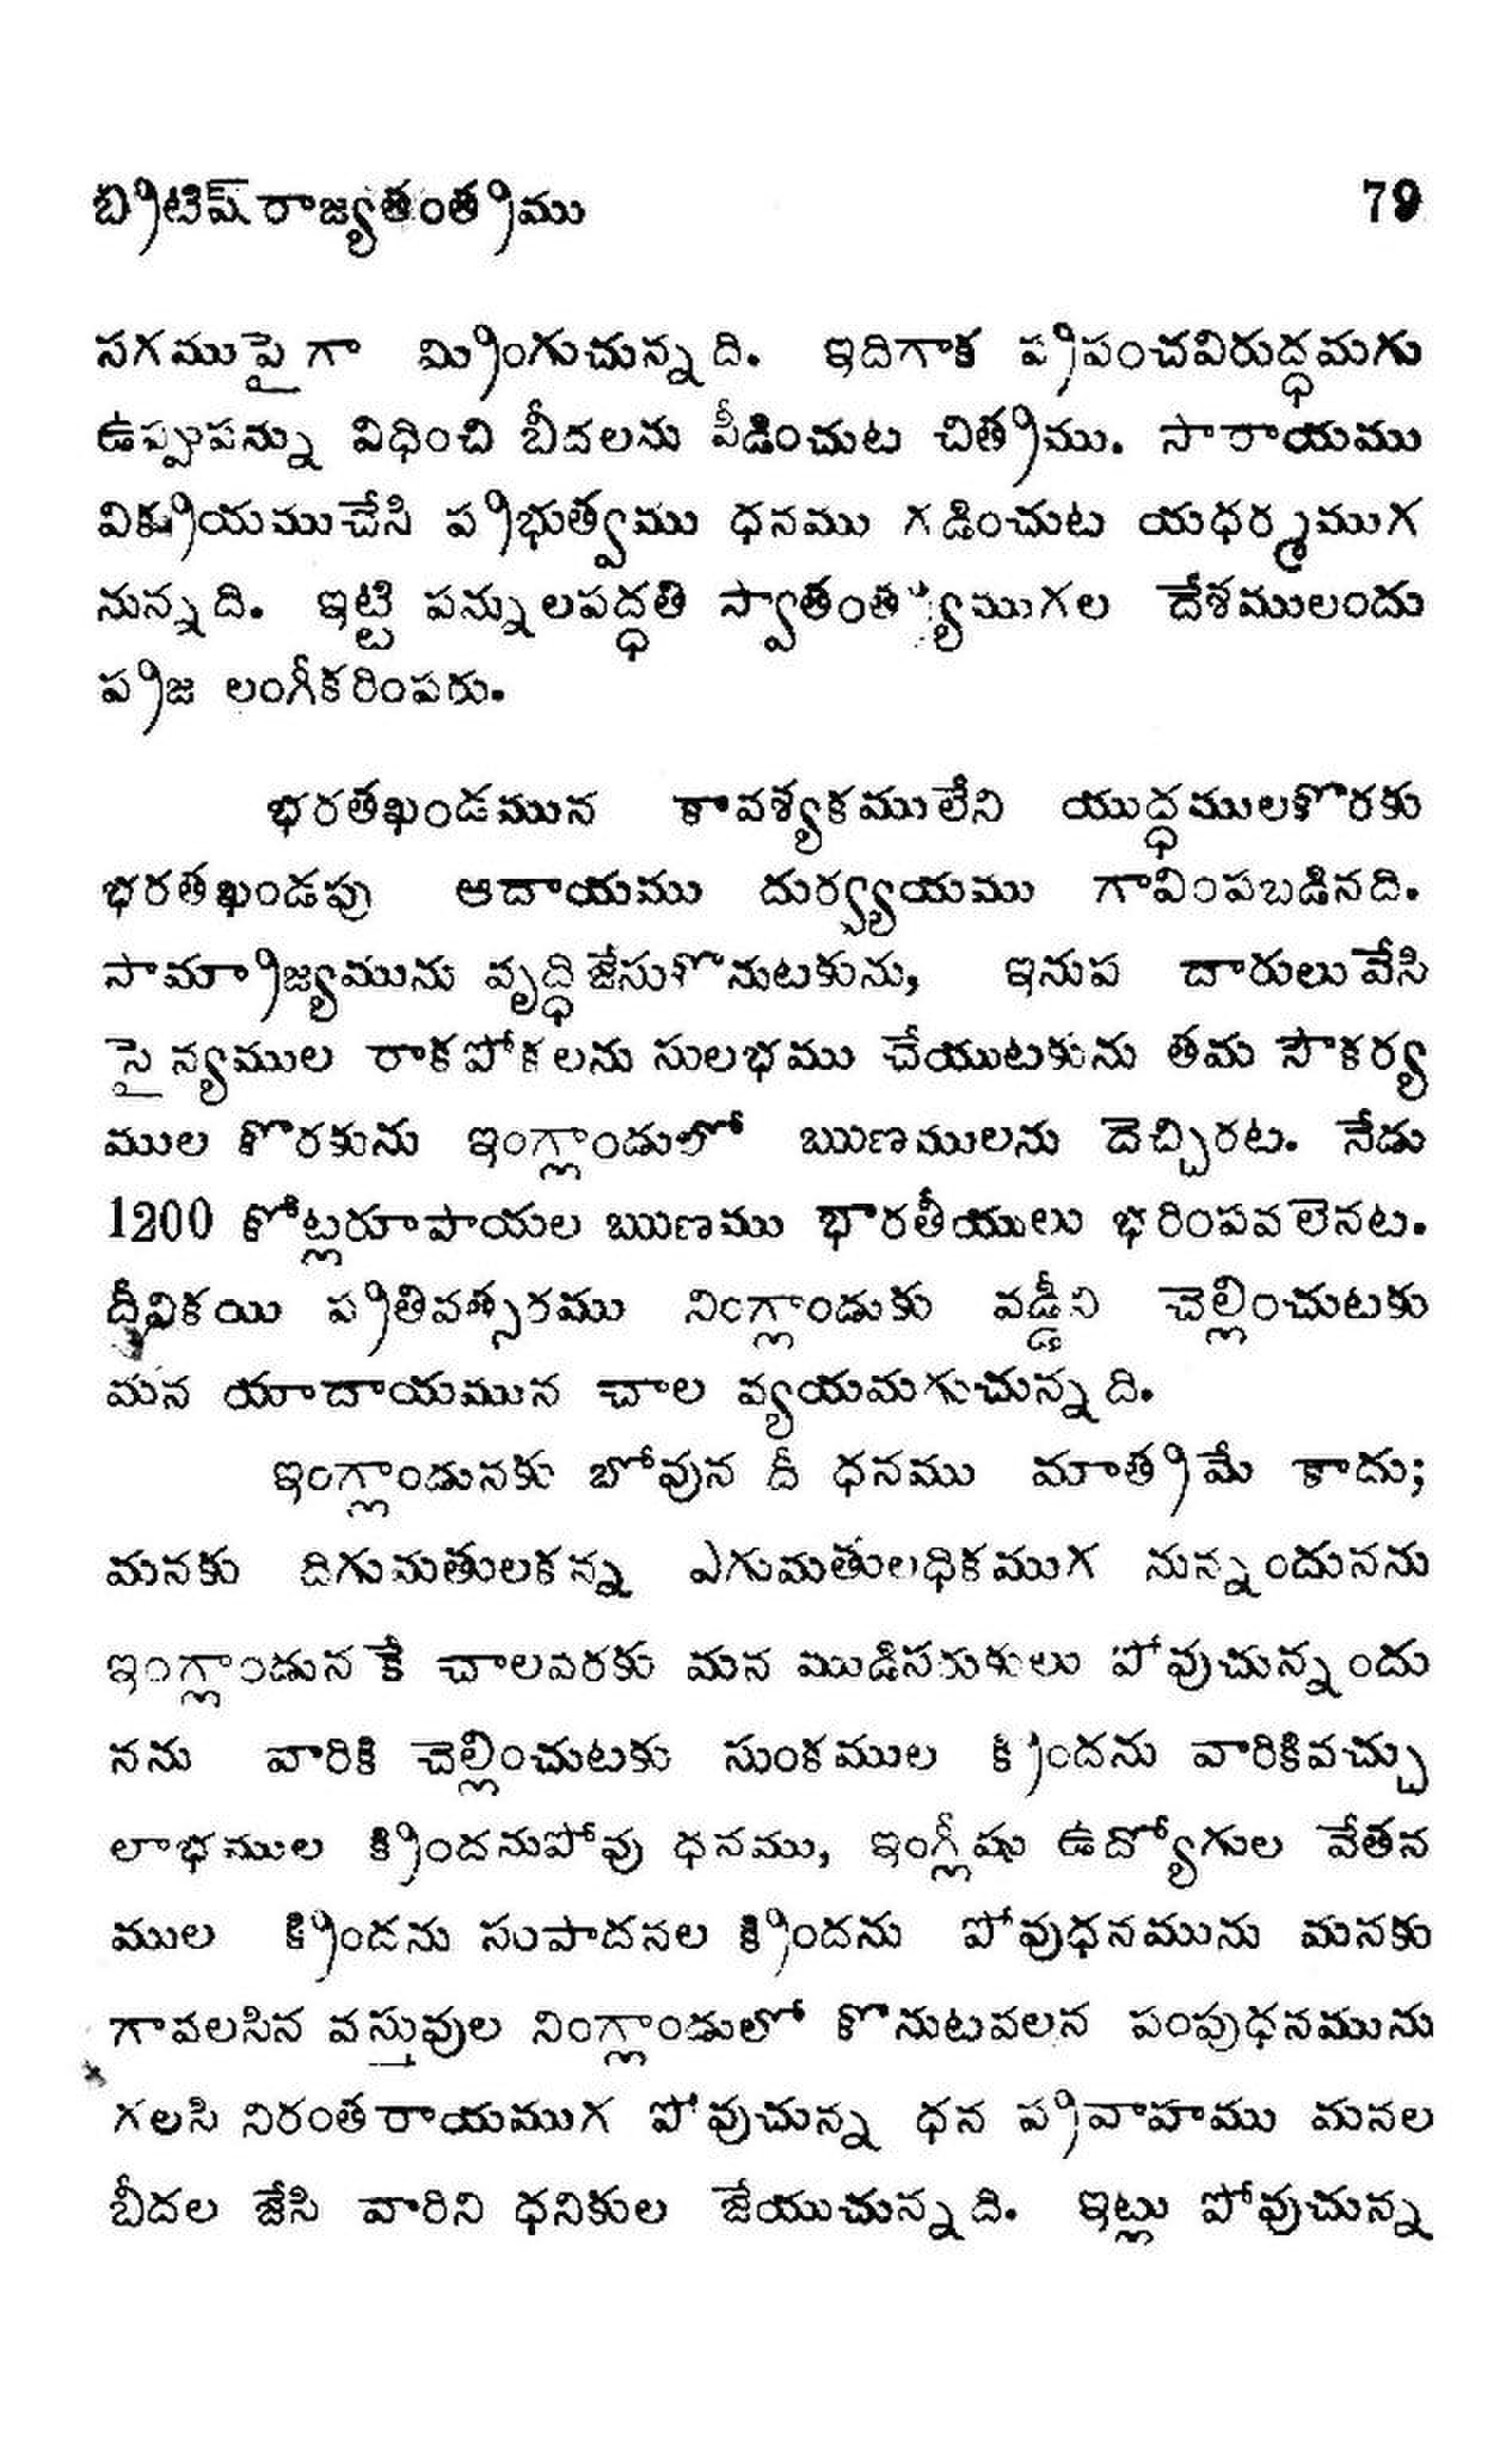సగముపైగా మ్రింగుచున్నది. ఇదిగాక ప్రపంచవిరుద్ధమగు ఉప్పుపన్ను విధించి బీదలను పీడించుట చిత్రము. సారాయము విక్రయముచేసి ప్రభుత్వము ధనము గడించుట యధర్మముగ నున్నది. ఇట్టి పన్నులపద్దతి స్వాతంత్ర్యముగల దేశములందు ప్రజ లంగీకరింపరు.

భరతఖండమున కావశ్యకములేని యుద్ధములకొరకు భరతఖండపు ఆదాయము దుర్వ్యయము గావింపబడినది. సామ్రాజ్యమును వృద్ధిజేసుకొనుటకును, ఇనుప దారులువేసి సైన్యముల రాకపోకలను సులభము చేయుటకును తమ సౌకర్యముల కొరకును ఇంగ్లాండులో ఋణములను దెచ్చిరట. నేడు 1200 కోట్ల రూపాయల ఋణము భారతీయులు భరింపవలెనట. దీనికయి ప్రతివత్సరము నింగ్లాండుకు వడ్డీని చెల్లించుటకు మన యాదాయమున చాల వ్యయమగుచున్నది.

ఇంగ్లాండునకు బోవున దీ ధనము మాత్రమే కాదు; మనకు దిగుమతులకన్న ఎగుమతులధికముగ నున్నందునను ఇంగ్లాండునకే చాలవరకు మన ముడిసరుకులు పోవుచున్నందునను వారికి చెల్లించుటకు సుంకముల క్రిందను వారికివచ్చు లాభముల క్రిందనుపోవు ధనము, ఇంగ్లీషు ఉద్యోగుల వేతనముల క్రిందను సంపాదనల క్రిందను పోవుధనమును మనకు గావలసిన వస్తువుల నింగ్లాండులో కొనుటవలన పంపుధనమును గలసి నిరంతరాయముగ పోవుచున్న ధన ప్రవాహము మనల బీదల జేసి వారిని ధనికుల జేయుచున్నది. ఇట్లు పోవుచున్న